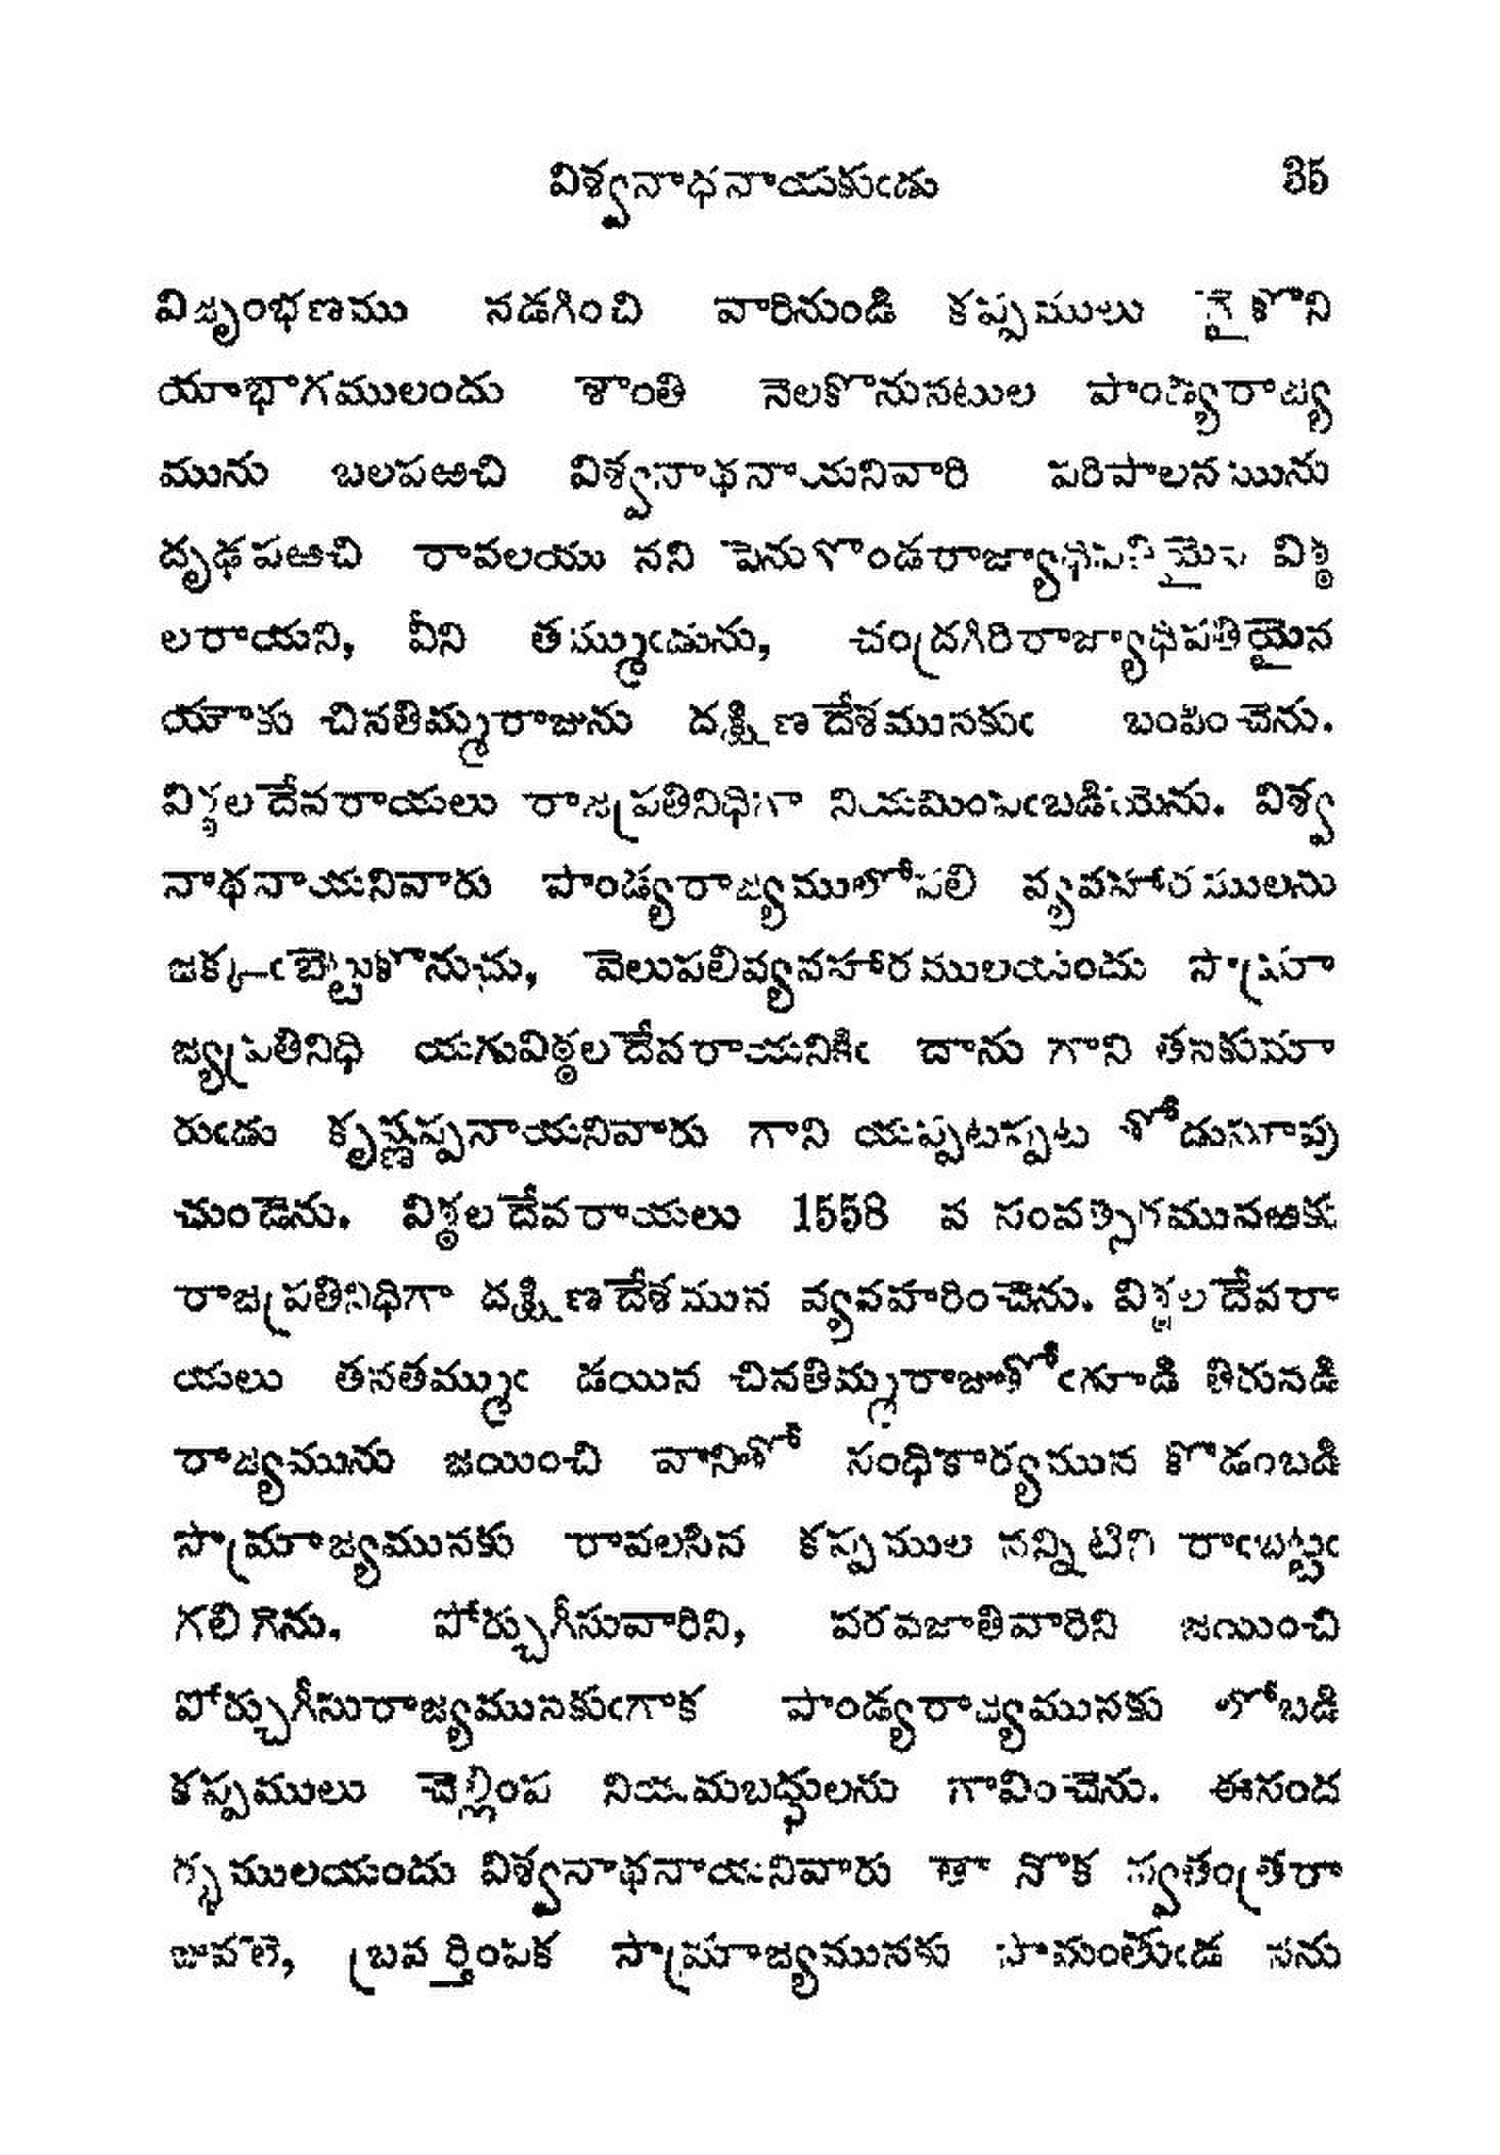విజృంభణము నడగించి వారినుండి కప్పములు గైకొని యాభాగములందు శాంతి నెలకొనునటుల పాండ్యరాజ్యమును బలపఱచి విశ్వనాథనాయనివారి పరిపాలనమును దృఢపఱచి రావలయునని పెనుగొండరాజ్యాధిపతియైన విఠ్ఠలరాయని, వీని తమ్ముఁడును, చంద్రగిరిరాజ్యాధిపతియైన యౌకు చినతిమ్మరాజును దక్షిణదేశమునకుఁ బంపించెను. విఠ్ఠలదేవరాయలు రాజప్రతినిధిగా నియమింపఁబడియెను. విశ్వనాథనాయనివారు పాండ్యరాజ్యములోపలి వ్యవహారములను జక్కఁబెట్టుకొనుచు, వెలుపలివ్యవహారములయందు సామ్రాజ్యప్రతినిధి యగువిఠ్ఠలదేవరాయనికిఁ దాను గాని తనకుమారుఁడు కృష్ణప్పనాయనివారు గాని యప్పటప్పట తోడుసూపు చుండెను. విఠ్ఠలదేవరాయలు 1558 వ సంవత్సరమువఱకు రాజప్రతినిధిగా దక్షిణదేశమున వ్యవహరించెను. విఠ్ఠలదేవరాయలు తనతమ్ముఁ డయిన చినతిమ్మరాజుతోఁగూడి తిరువడి రాజ్యమును జయించి వానితో సంధికార్యమున కొడంబడి సామ్రాజ్యమునకు రావలసిన కప్పముల నన్నిటిని రాఁబట్టఁ గలిగెను. పోర్చుగీసువారిని, పరవజాతివారిని జయించి పోర్చుగీసురాజ్యమునకుఁగాక పాండ్యరాజ్యమునకు లోబడి కప్పములు చెల్లింప నియమబద్ధులను గావించెను. ఈసందర్భములయందు విశ్వనాథనాయనివారు తా నొక స్వతంత్రరాజువలె, బ్రవర్తింపక సామ్రాజ్యమునకు సామంతుఁడ నను